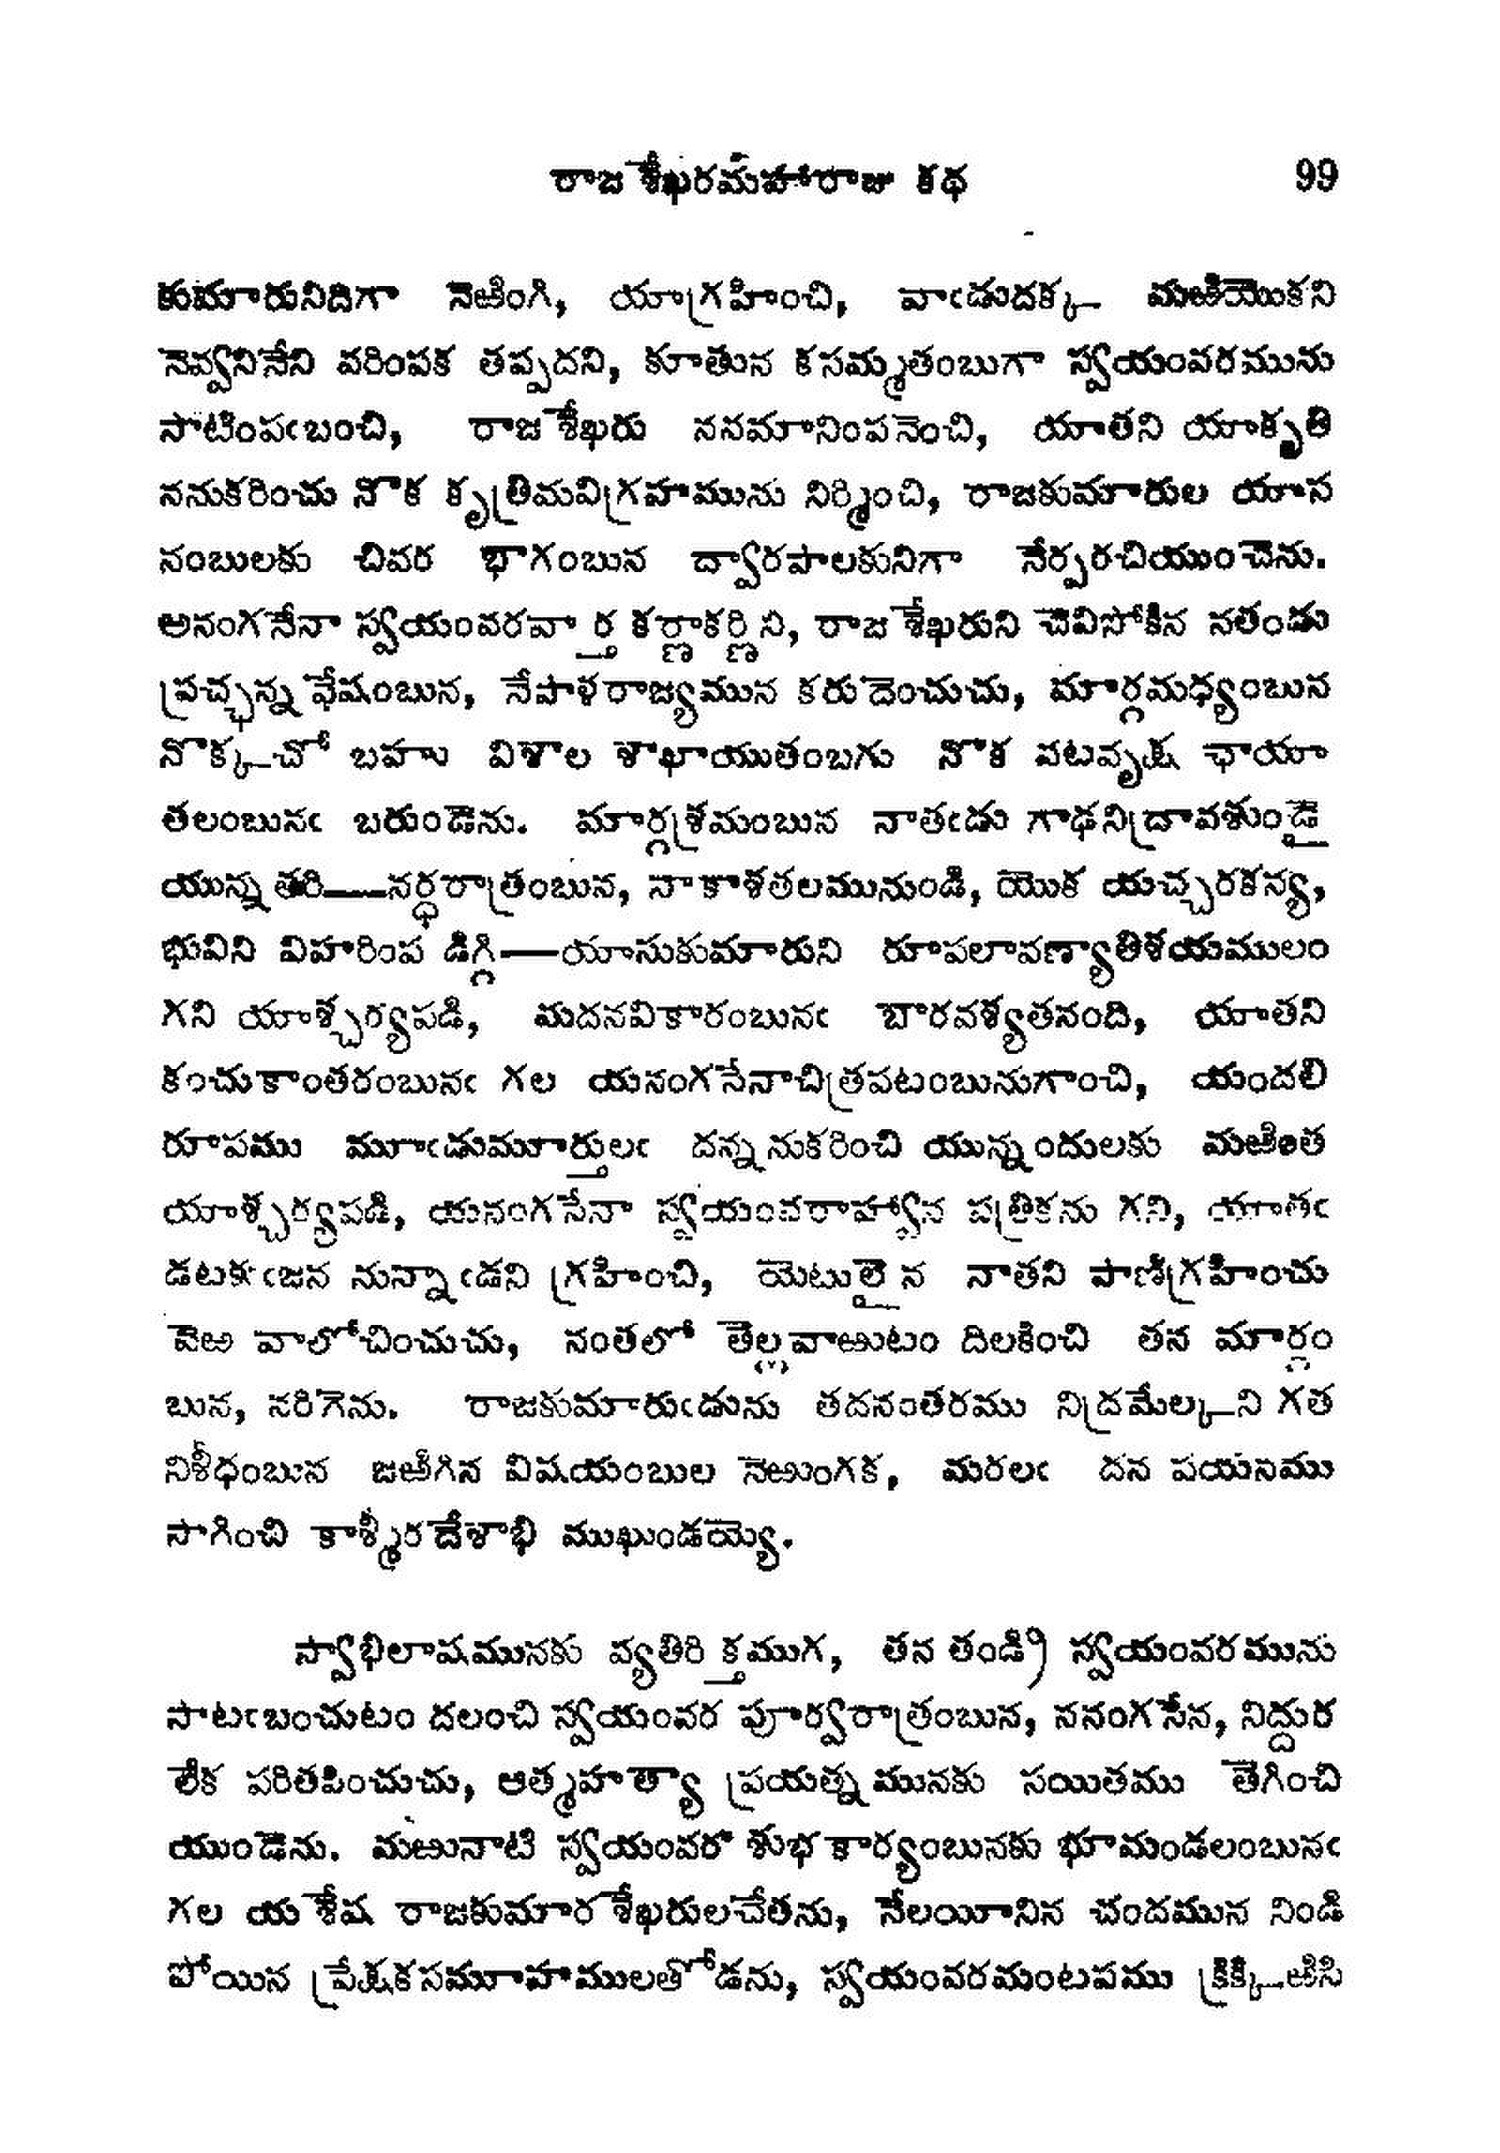కుమారునిదిగా నెఱింగి, యాగ్రహించి, వాఁడుదక్క మణియొకని నెవ్వనినేని వరింపక తప్పదని, కూతున కసమ్మతంబుగా స్వయంవరమును సాటింపఁబంచి, రాజశేఖరు నవమానింప నెంచి, యాతని యాకృతి ననుకరించు నొక కృత్రిమ విగ్రహమును నిర్మించి, రాజకుమారుల యాసనంబులకు చివర భాగంబున ద్వారపాలకునిగా నేర్పరచియుంచెను.
అనంగసేనా స్వయంవర వార్త కర్ణాకర్ణిని, రాజశేఖరుని చెవిసోకిన నతండు ప్రచ్ఛన్న వేషంబున, నేపాళ రాజ్యమున కరుదెంచుచు, మార్గమధ్యంబున నొక్కచో బహు విశాల శాఖాయుతంబగు నోక వటవృక్ష ఛాయా తలంబునఁ బరుండెను. మార్గశ్రమంబున నాతఁడు గాఢనిద్రావశుండై యున్న తరి——నర్ధరాత్రంబున, నా కాశతలమునుండి, యొక యచ్చరకన్య,
భువిని విహరింప డిగ్గి——యాసుకుమారుని రూపలావణ్యాతిశయములం గని యాశ్చర్యపడి, మదనవికారంబునఁ బారవశ్యతనంది, యాతని కంచుకాంతరంబునఁ గల యనంగసేనాచిత్రపటంబునుగాంచి, యందలి రూపము మూఁడుమూర్తులఁ దన్ననుకరించి యున్నందులకు మఱింత యాశ్చర్యపడి, యనంగసేనా స్వయంవరాహ్వాన పత్రికను గని, యాతఁడటకుఁజన నున్నాఁడని గ్రహించి, యెటులైన నాతని పాణిగ్రహించు వెఱ వాలోచించుచు, నంతలో తెల్లవాఱుటం దిలకించి తన మార్గంబున, నరిగెను. రాజకుమారుఁడును తదనంతరము నిద్రమేల్కని గత నిశీధంబున జఱిగిన విషయంబుల నెఱుంగక, మరలఁదన పయనము సాగించి కాశ్మీర దేశాభి ముఖుండయ్యె.

స్వాభిలాషమునకు వ్యతిరిక్తముగ, తన తండ్రి స్వయంవరమును సాటఁ బంచుటం దలంచి స్వయంవర పూర్వరాత్రంబున, ననంగసేన, నిద్దుర లేక పరితపించుచు, ఆత్మహత్యా ప్రయత్నమునకు సయితము తెగించి యుండెను. మఱునాటి స్వయంవరో శుభకార్యంబునకు భూమండలంబునఁ గల యశేష రాజకుమారశేఖరులచేతను, నేలయీనిన చందమున నిండి
పోయిన ప్రేక్షక సమూహములతోడను, స్వయంవరమంటపము క్రిక్కిఱిసి